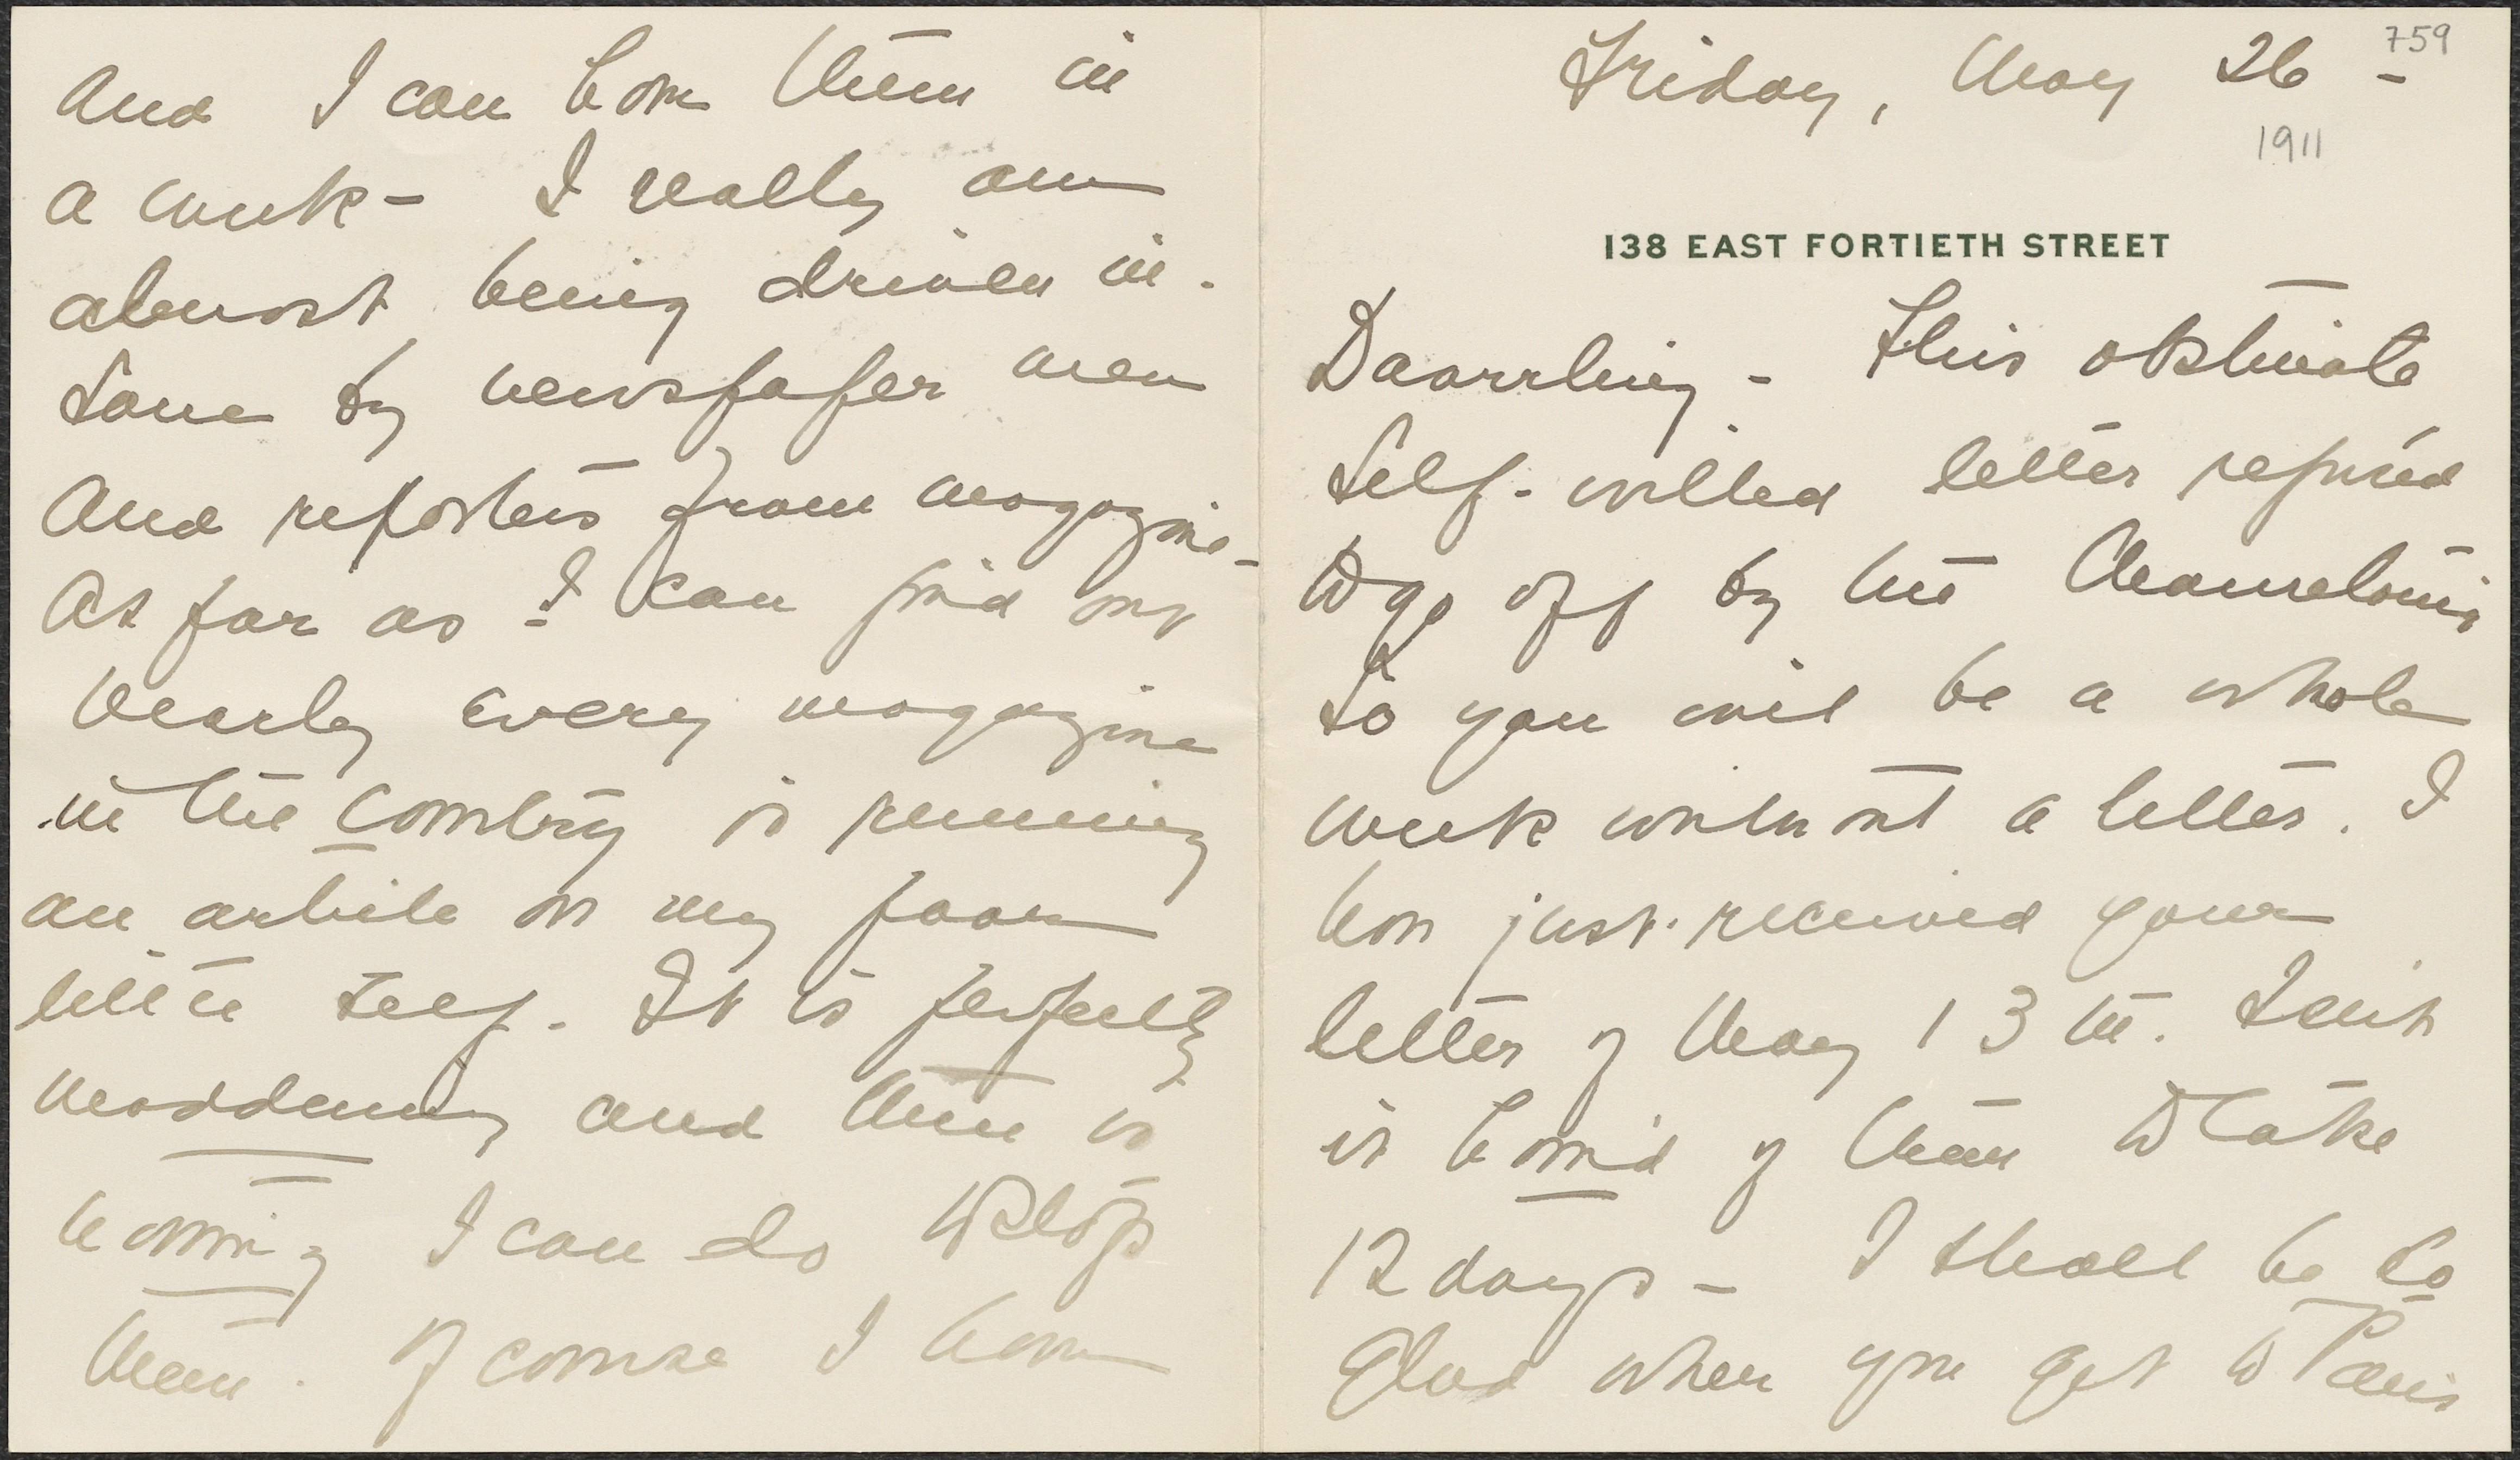Friday, May 26 –
Daarrling – This obstinate self-willed letter refused to off by the Mauretania So you will be a whole week without a letter. I have just received your letter of May 13th. Isn’t it horrid of them to take 12 days – I shall be so glad when you get to Paris
and I can have them in a week – I really am almost being driven insane by newspaper men and reporters from magazine [sic] – As far as I can find out nearly every magazine in the country is running an article on my poor little self. It is perfectly [double underlined: maddening] and there is [double underlined: nothing] I can do to stop them. Of course I have